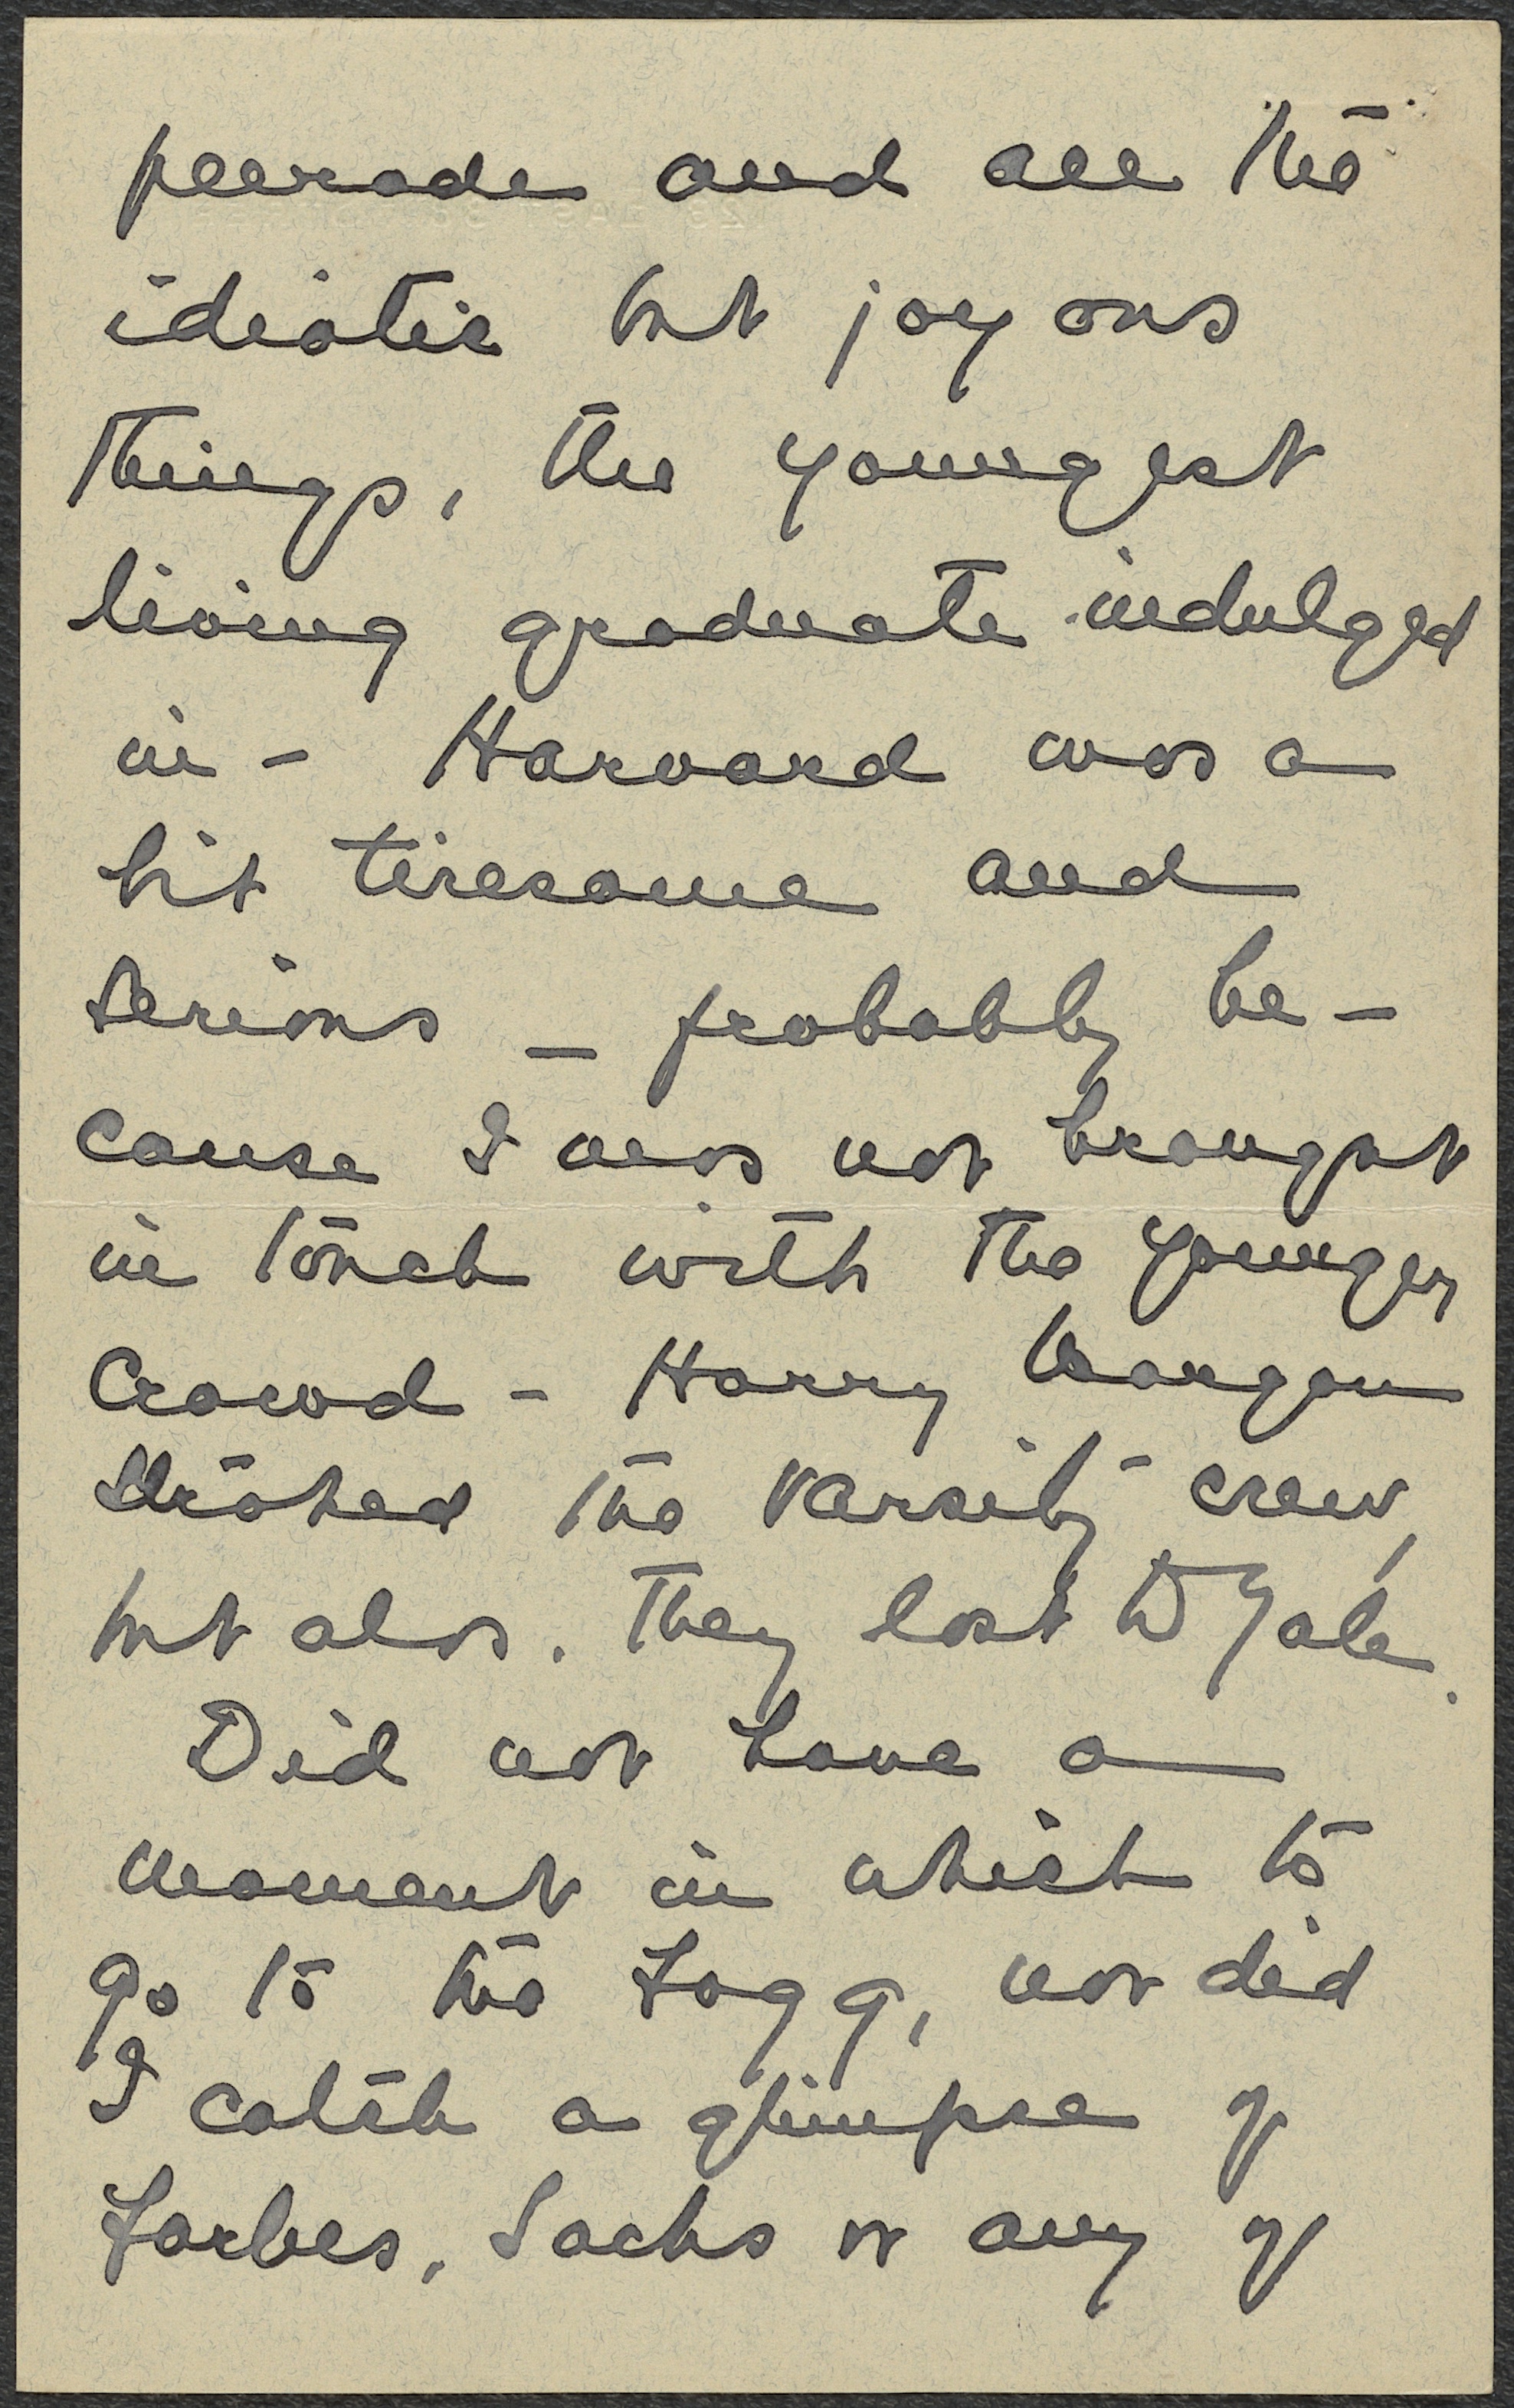peerade and all the idiotic but joyous things, the youngest living graduate indulged in – Harvard was a bit tiresome and serious – probably because I was not brought in touch with the younger crowd – Harry Morgan stroked the Varsity crew, but alas, they lost to Yale.
Did not have a moment in which to go to the Fogg, nor did I catch a glimpse of Forbes, Sachs or any of